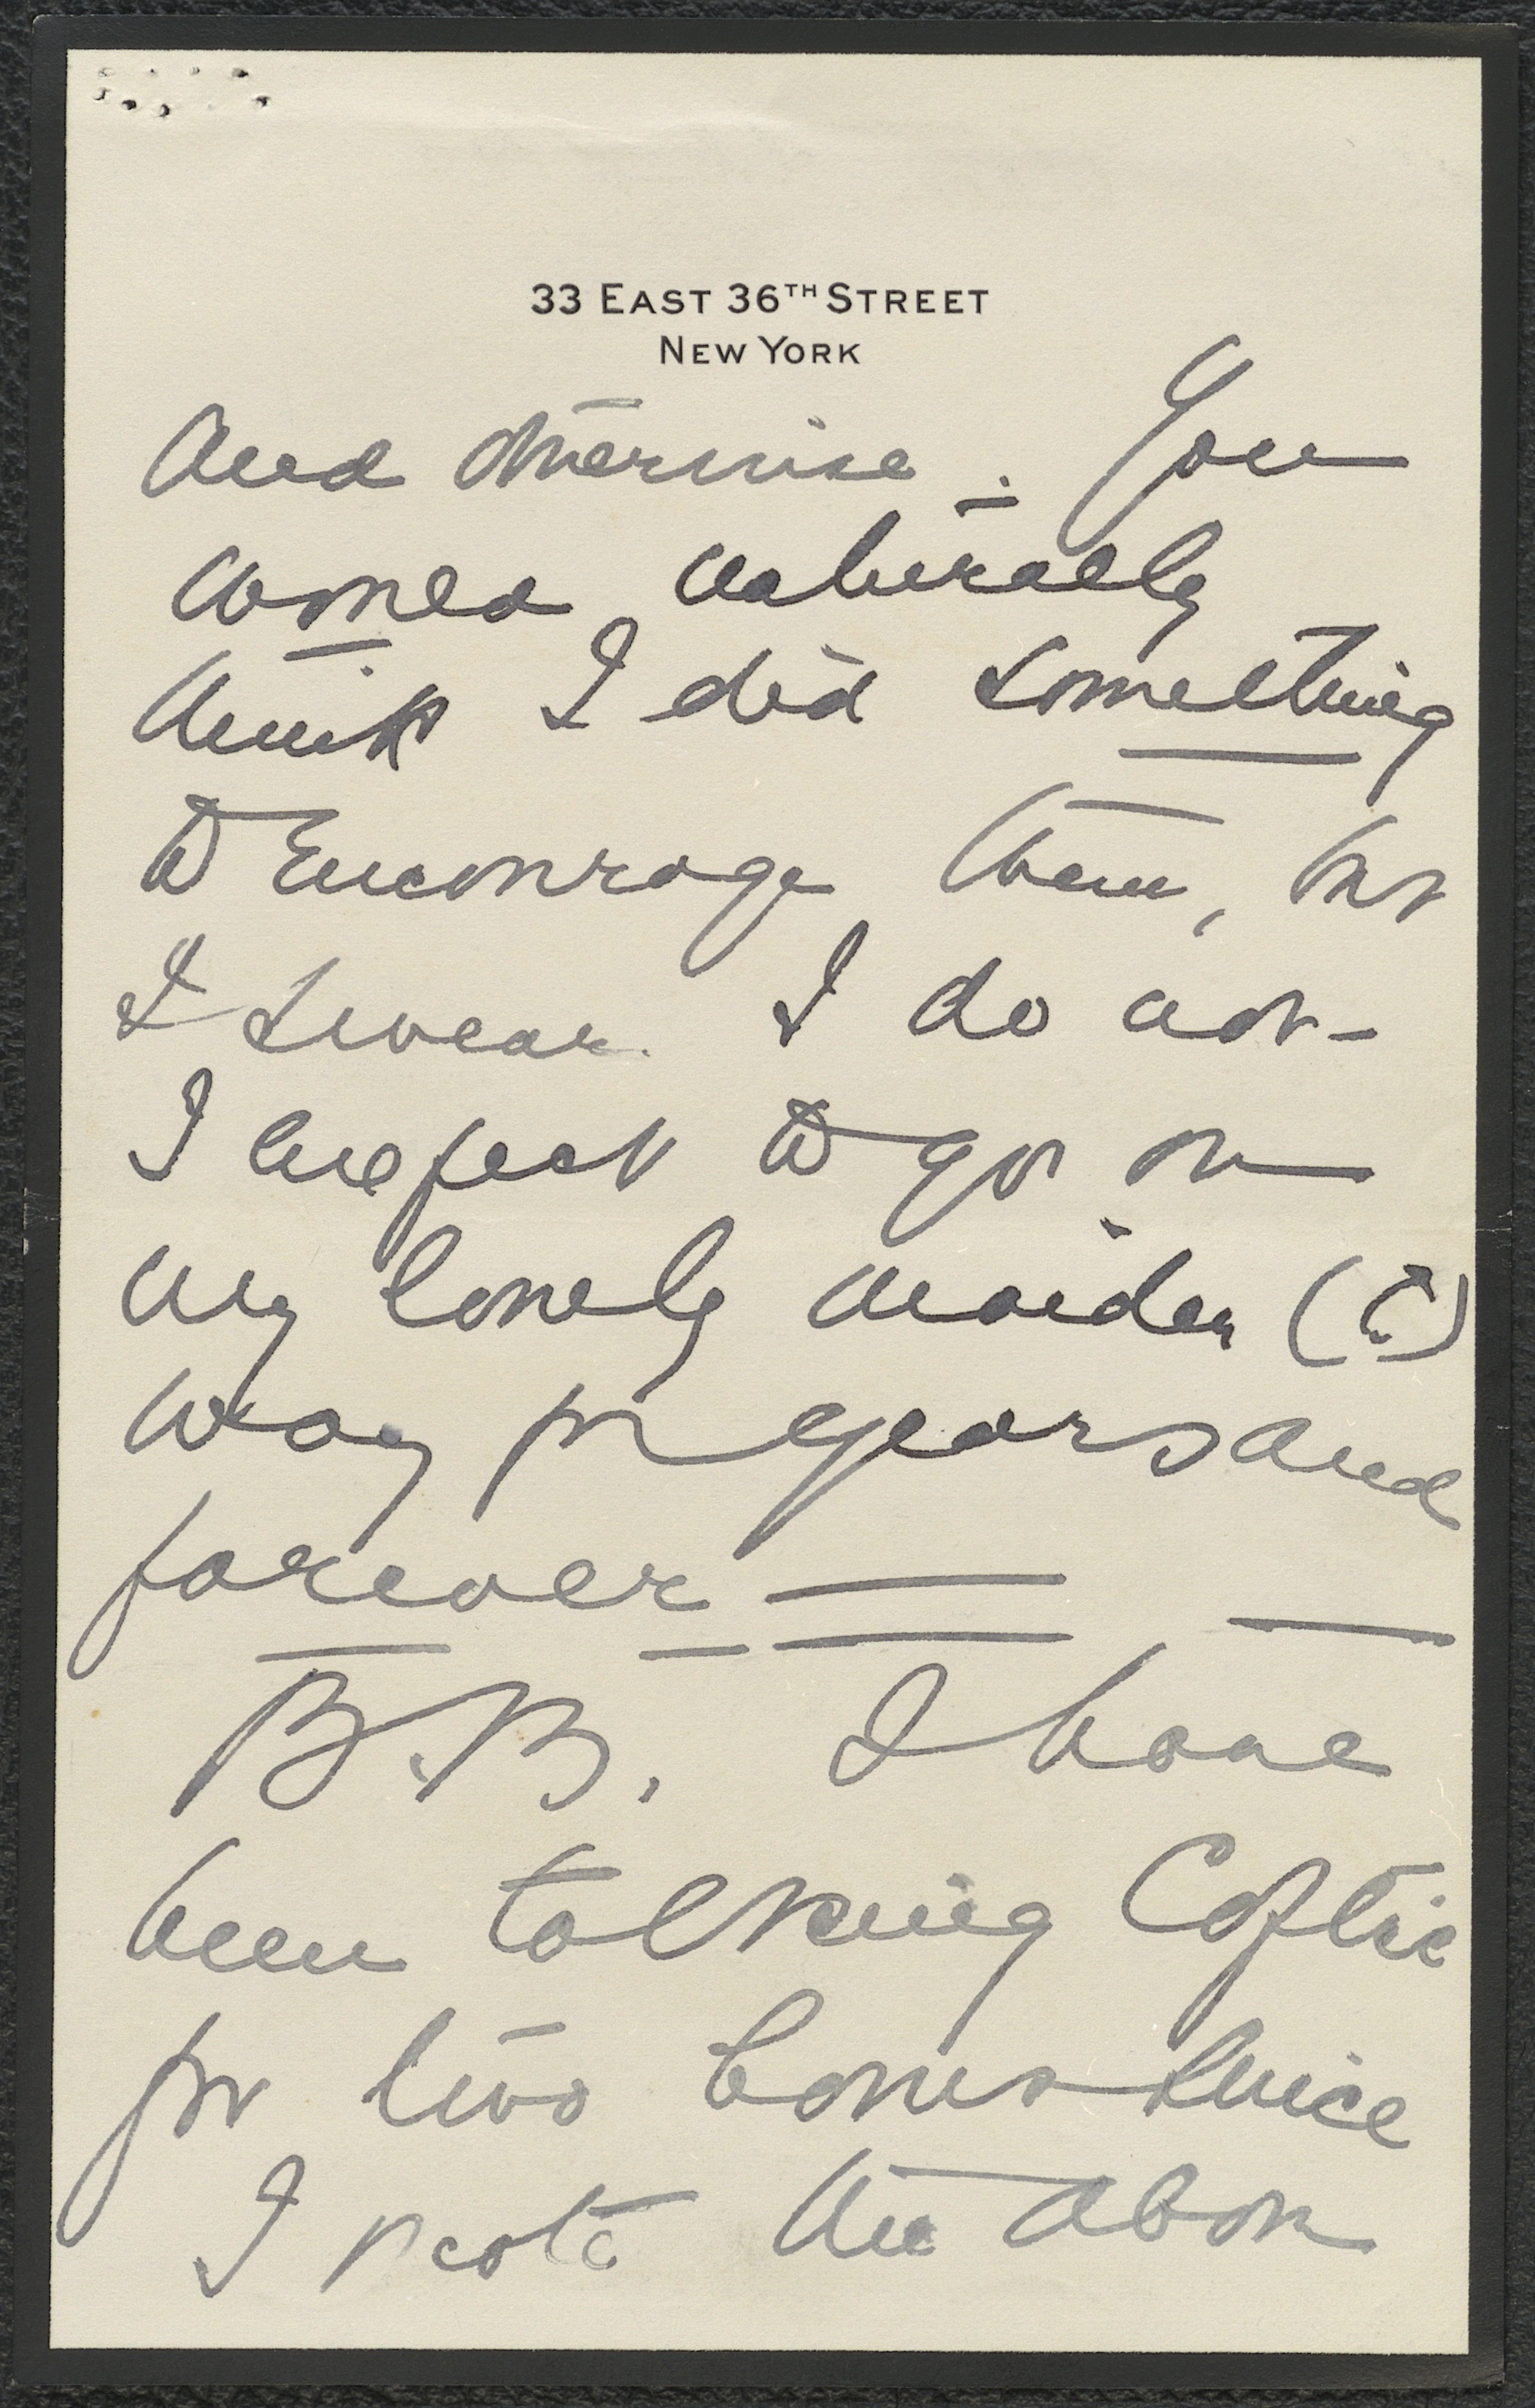and otherwise. You would naturally think I did something to encourage them, but I swear I do not – I expect to go on my lonely maiden (?) way for years and forever –
B. B. I have been talking Coptic for two hours since I wrote the above